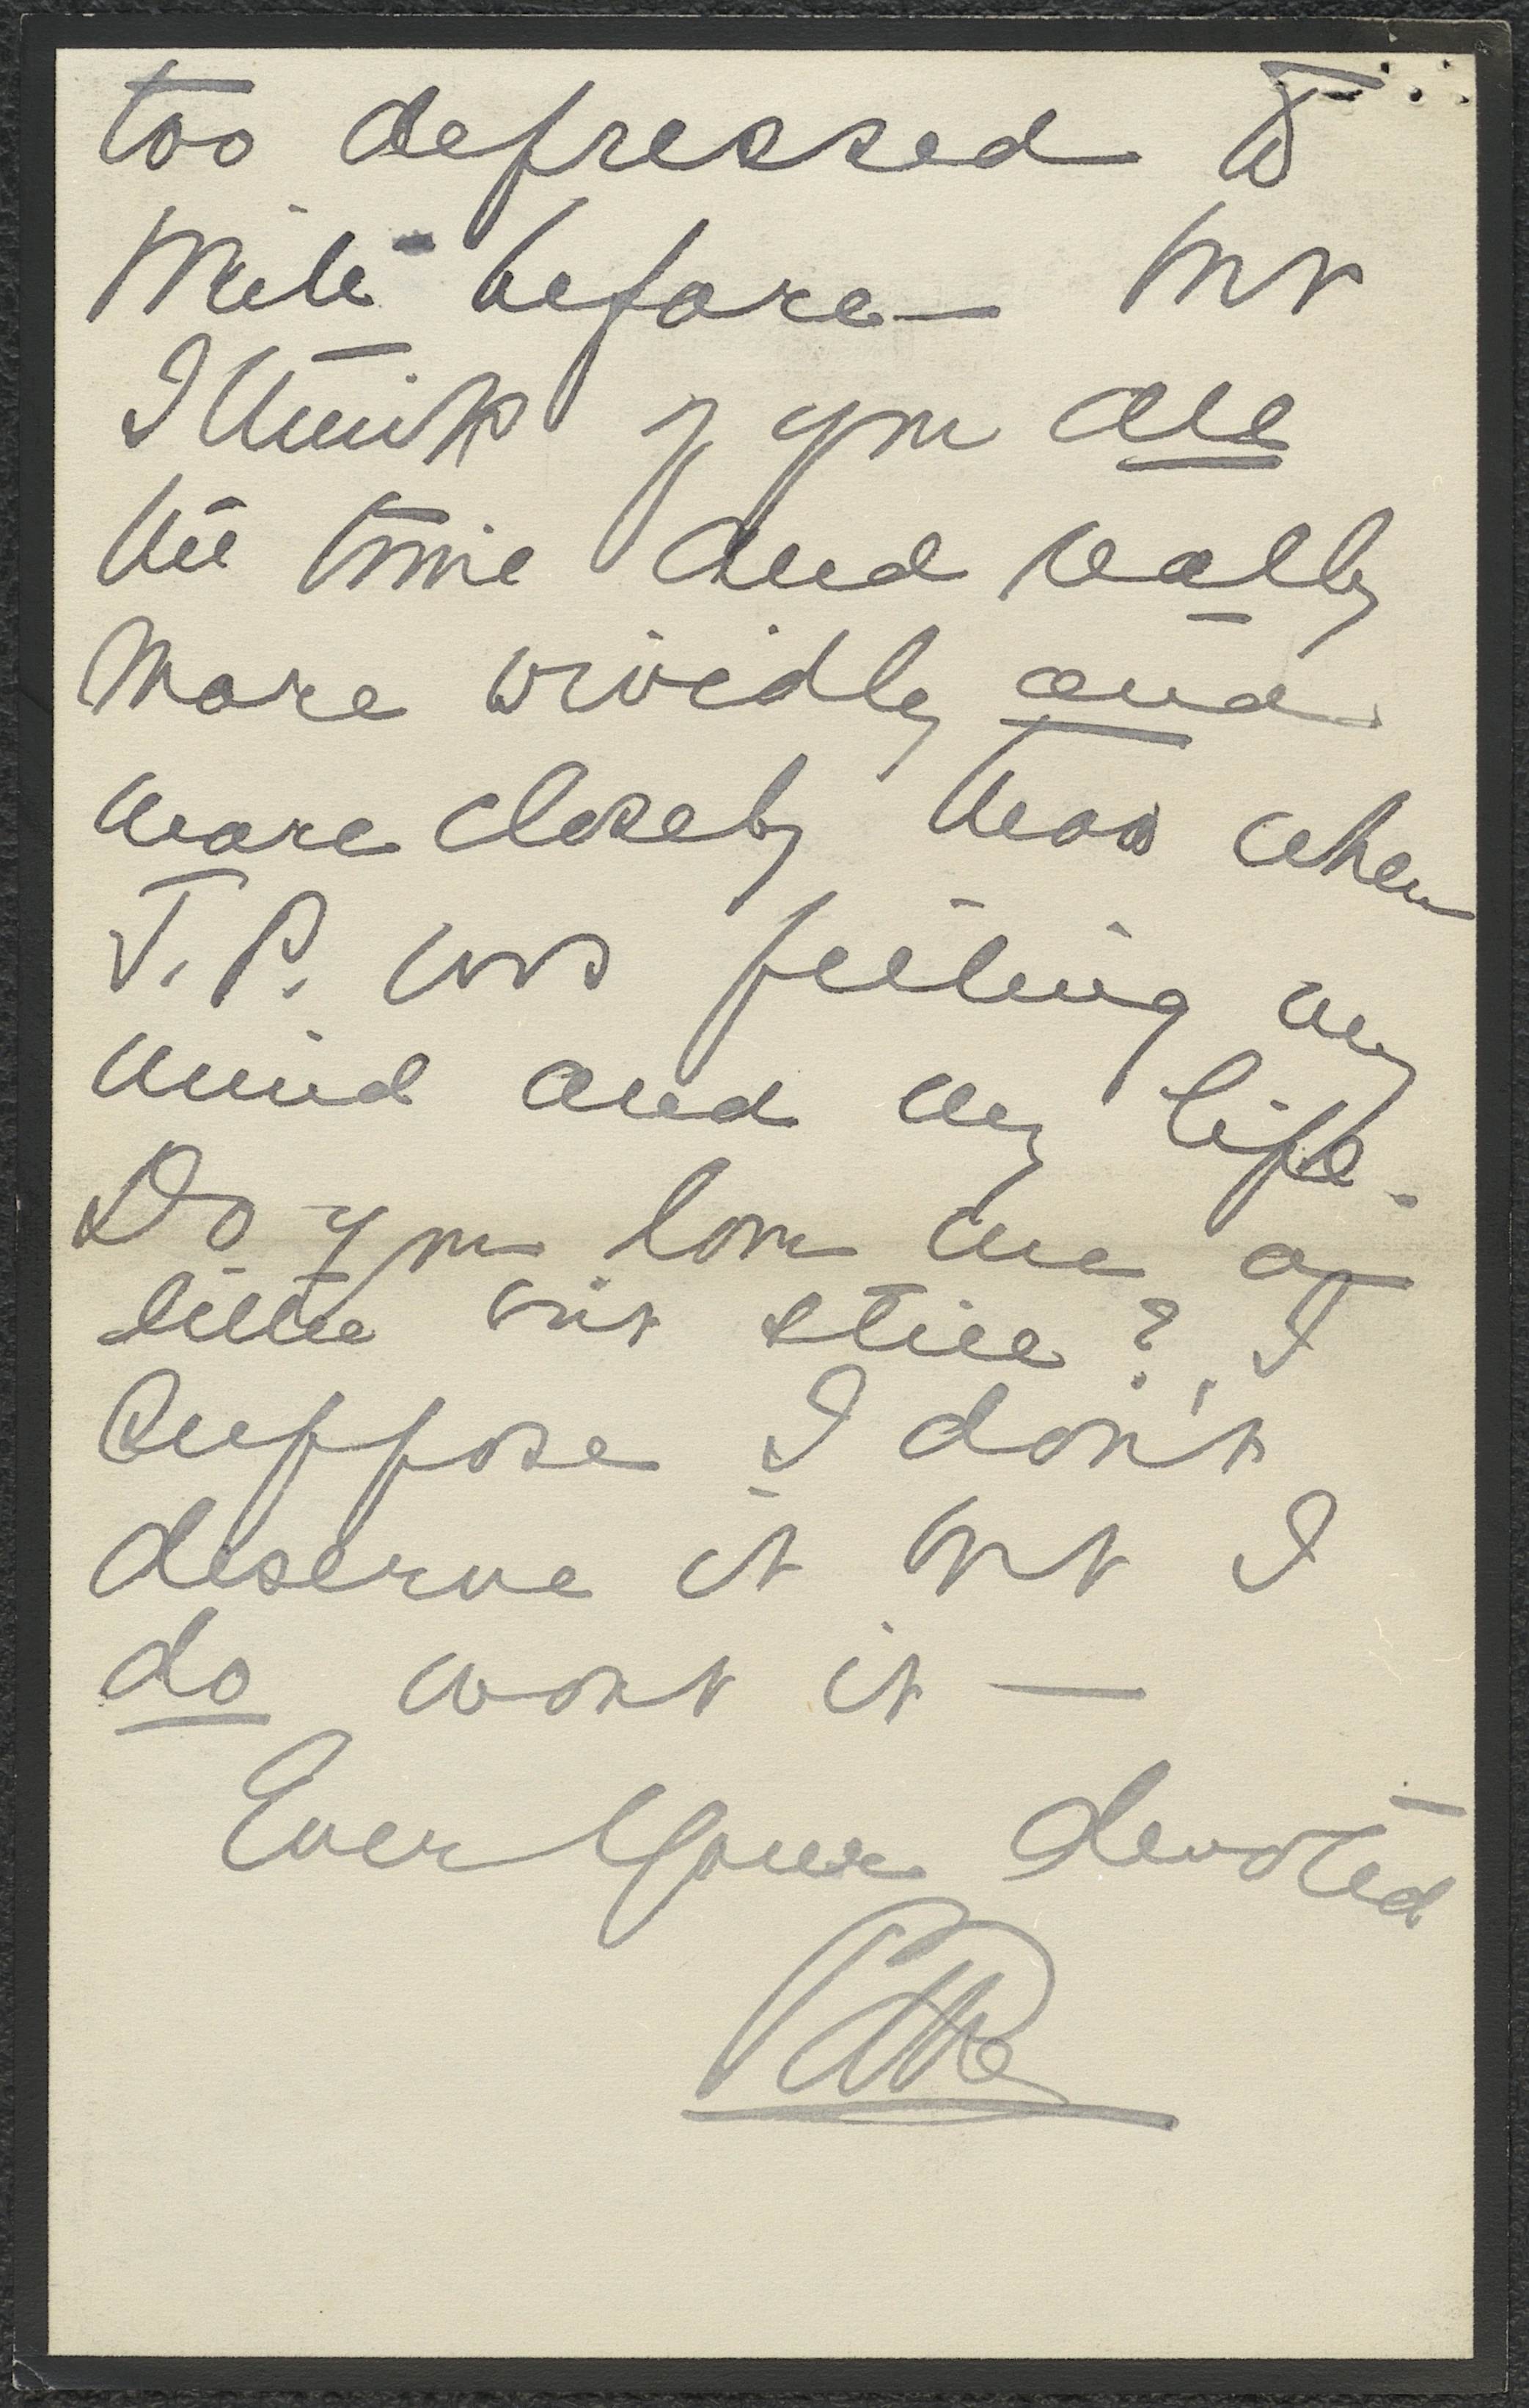too depressed to write before – but I think of you all the time and really more vividly and more closely than when J.P. was filling my mind and my life. Do you love me a little but still? I suppose I don’t deserve it but I do want it –
Every your devoted
Belle